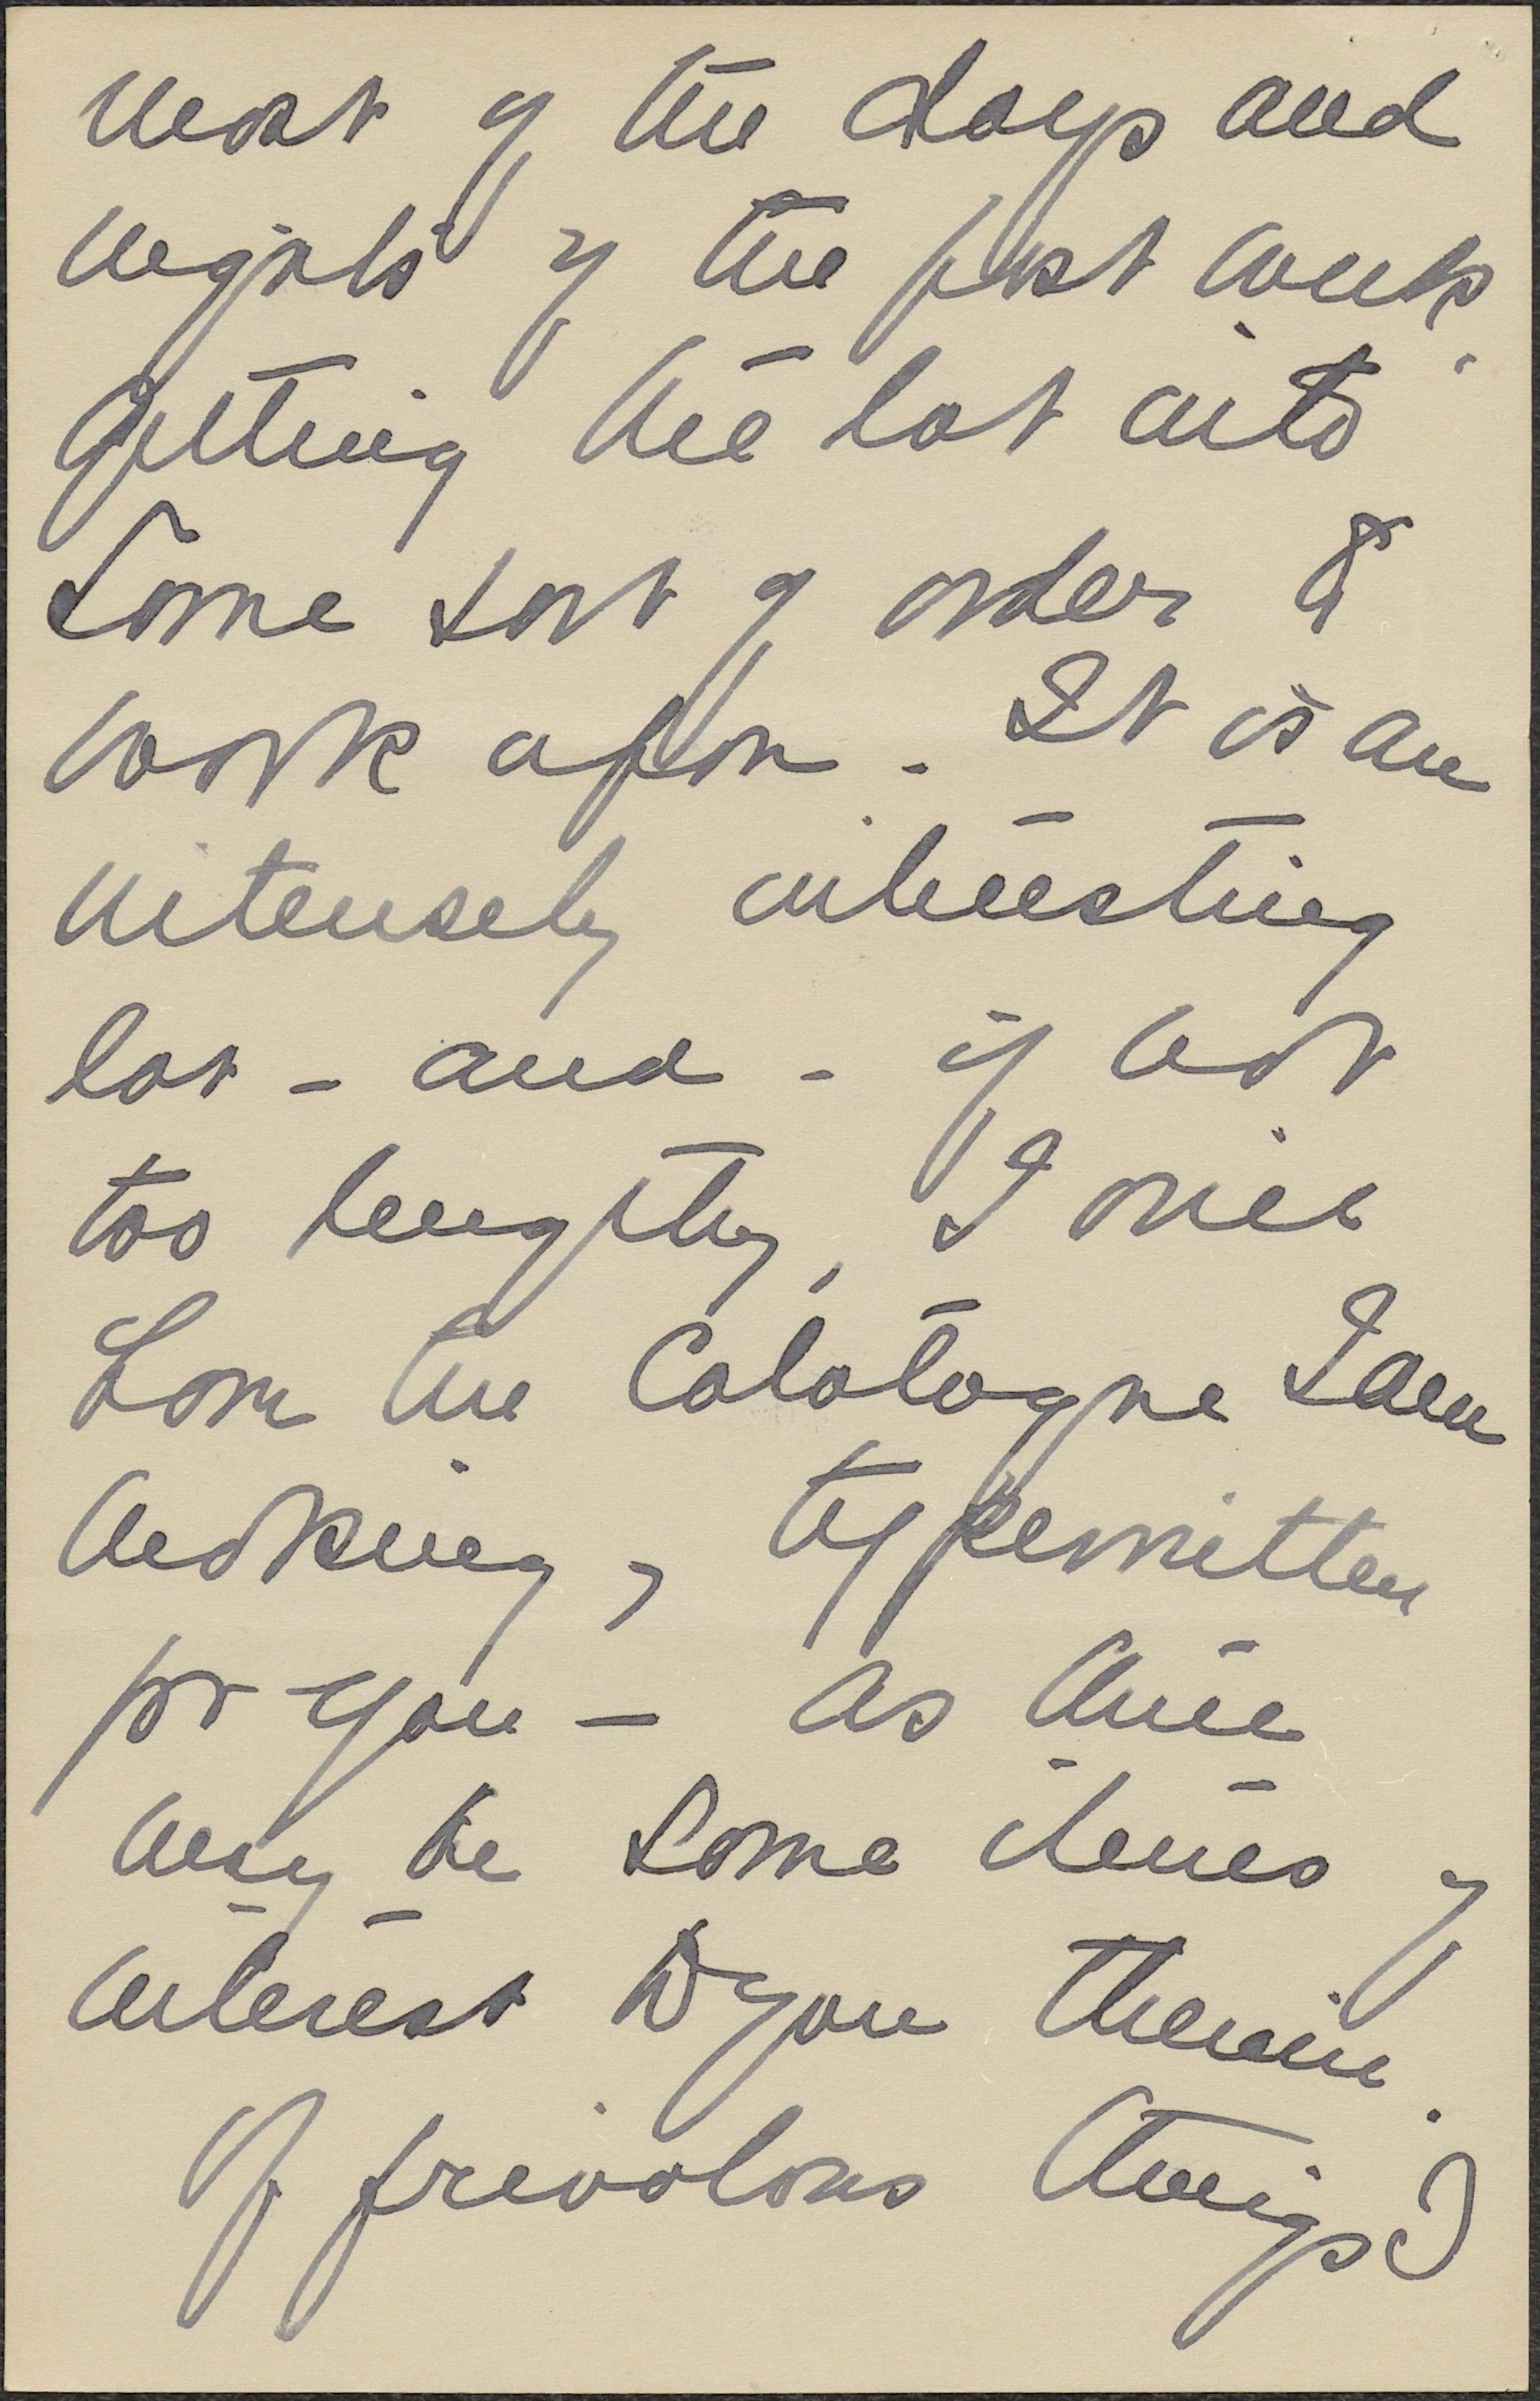most of the days and nights of the past week getting the lot into some sort of order to work upon – It is an intensely interesting lot – and – if not too lengthy, I will have the catalogue I am making, typewritten for you – as there may be some items of interest to you therein.
Of frivolous things I